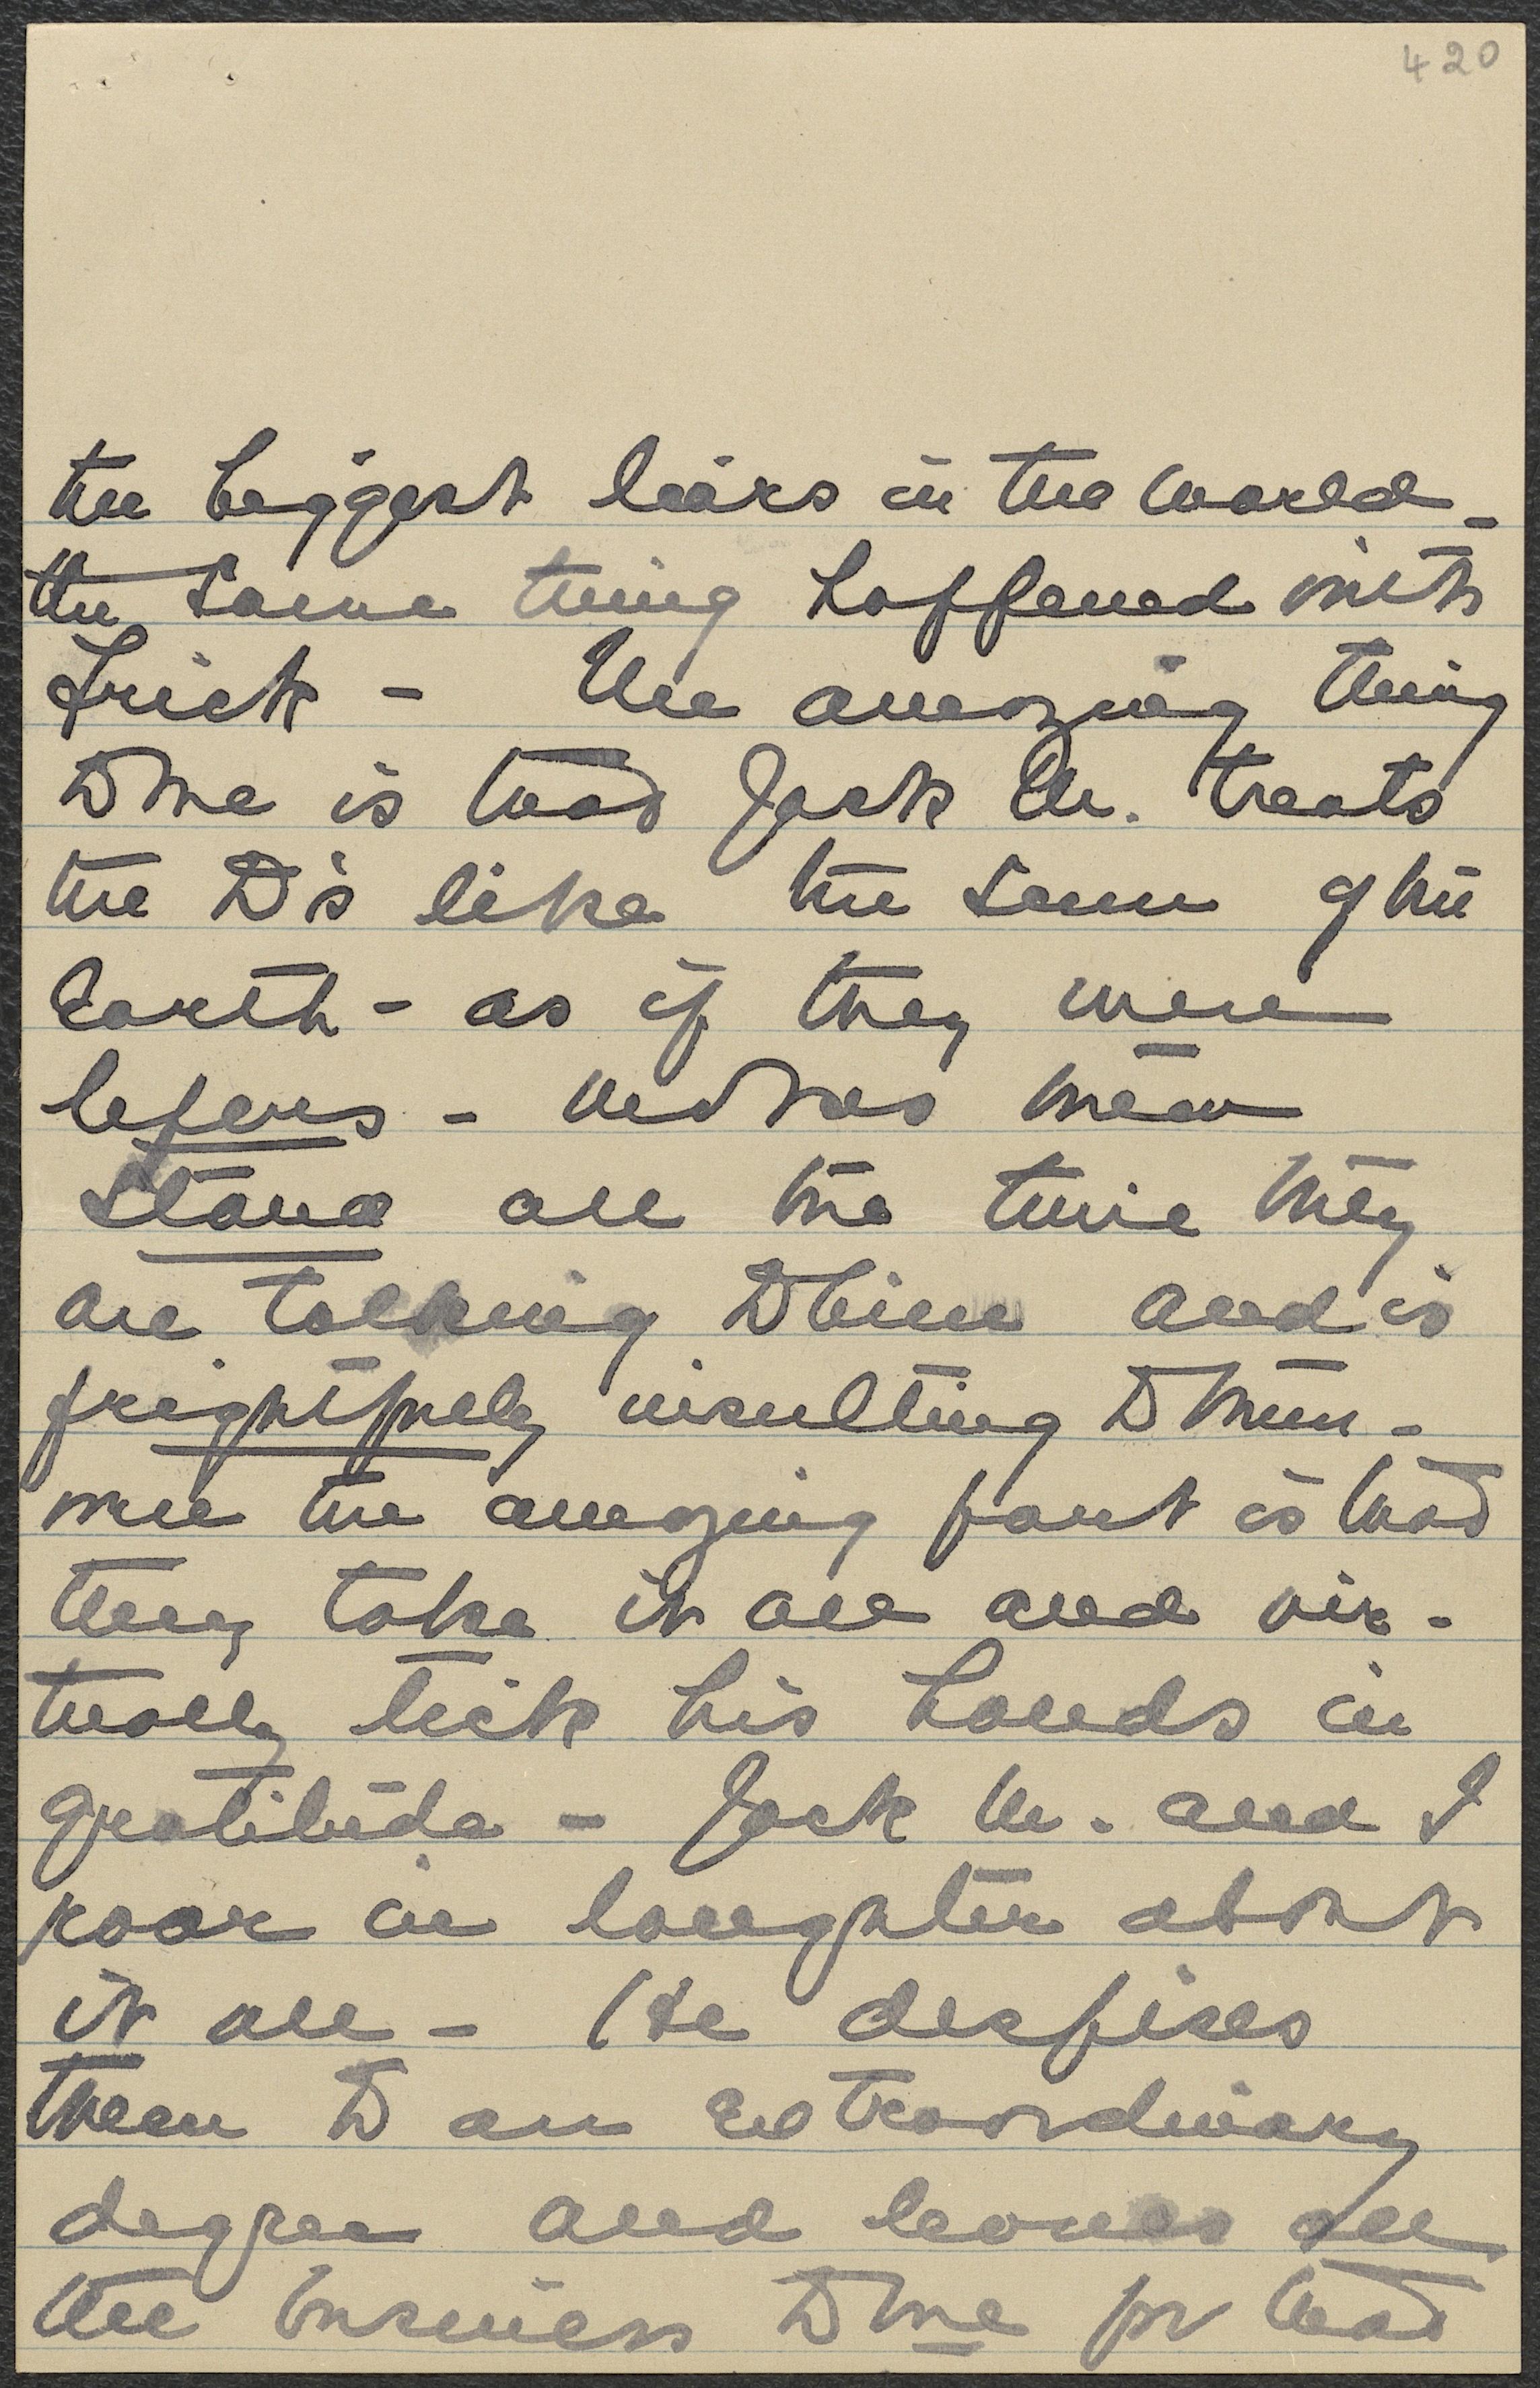the biggest liars in the world – the same thing happened with Frick – The amazing thing to me is that Jack M. treats the D’s like the scum of the earth – as if they were lepers – makes them stand all the time they are talking to him and is frightfully insulting to them – well the amazing part is that they take it all and virtually lick his hands in gratitude – Jack M. and I roar in laughter about it all – He despises them to an extraordinary degree and leaves all the business to me for that